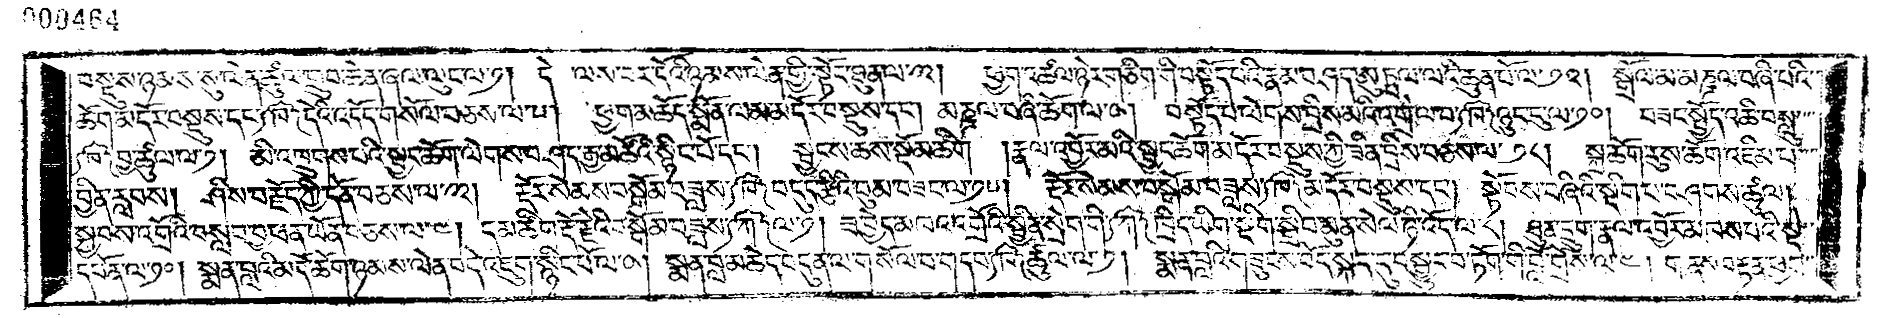བསྡུས་ཉམས་སུ་ལེན་ཚུལ་གྲུབ་ཆེན་ཞལ་ལུང་ལ ༡། དེ་ལས་བར་དོའི་ཉམས་ལེན་གྱི་སྟོང་ཐུན་ལ ༣། ཕྱག་འཚལ་ཉེར་གཅིག་གི་བསྟོད་པའི་རྣམ་བཤད་ཨུཏྤལ་ལའི་ཆུང་པོ་ལ ༡༢། སྒྲོལ་མ་མཎྜལ་བཞི་པའི་
ཆོ་ག་མདོར་བསྡུས་དང ༼ཁ༽ དེའི་འདོད་གསོལ་བཅས་ལ ༥། ཕྱག་མཆོད་སྨོན་ལམ་མདོར་བསྡུས་དང་། མཎྜལ་བཞི་ཆོག་ལ ༦། བསྟོད་པ་ལེགས་བྲིས་མའི་འགྲེལ་བ ༼ཁ༽ ཉུང་ངུ་ལ༡༠། བཟང་སྤྱོད་འཆི་བསླུ་
༼ཁ༽ བྱ་ཚུལ་ལ༡། མི་འཁྲུགས་པའི་སྦྱང་ཆོག་ལེགས་བཤད་རྒྱ་མཚོའི་སྙིང་པོ་དང་། སྦྱངས་ཆས་སྡོམ་ཚིག །རྣལ་འབྱོར་མའི་སྦྱང་ཆོག་མདོར་བསྡུས་ཀྱི་ཟིན་བྲིས་བཅས་ལ ༡༨། སྐྲ་ཆོག་རུས་ཆོག་འཇིམ་པ་
བྱིན་རླབས། ཤིས་བརྗོད་ཀྱི་དོན་བཅས་ལ ༣། རྡོར་སེམས་བསྒོམ་བཟླས ༼ཁ༽ བདུད་རྩིའི་བུམ་བཟང་ལ ༡༥། རྡོར་སེམས་བསྒོམ་བཟླས ༼ཁ༽ མདོར་བསྡུས་དང་། སྟོབས་བཞིའི་སྡིག་པ་བཤགས་ཚུལ།
སྐྱབས་འགྲོའི་བསླབ་བྱ་ཕན་ཡོན་བཅས་ལ ༤། དམ་ཚིག་རྡོ་རྗེའི་བསྒོམ་བཟླས ༼ཀ༽ ལ ༡། ཟ་བྱེད་མཁའ་འགྲོའི་སྦྱིན་སྲེག་གི ༼ཀ༽ ཁྲིད་ཡིག་སྡིག་སྒྲིབ་མུན་སེལ་ཉི་འོད་ལ ༨། ཐུན་དྲུག་རྣལ་འབྱོར་མཁས་པའི་སྡེ་
དཔོན་ལ ༡༠། སྨན་བླའི་མདོ་ཆོག་ཉམས་ལེན་བདེ་འཇུག་སྙིང་པོ་ལ ༦། སྨན་བླ་མཆེད་བདུན་ལ་གསོལ་བ་གདབ ༼ཁ༽ ཚུལ་ལ ༡། སྨན་བླའི་གཟུངས་བོད་སྐད་དུ་བསྒྱུར་བ་ཏོག་གི་བློ་གྲོས་ལ ༤། གནས་བརྟན་ཕྱག་